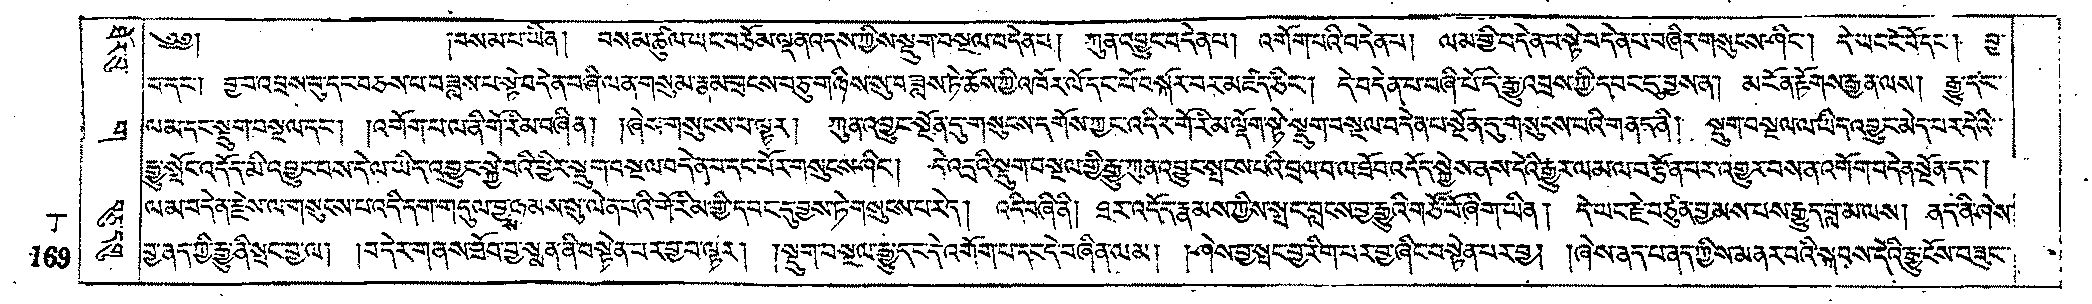༄༅། །བསམ་པ་ཡིན། བསམ་ཚུལ་ཡང་བཅོམ་ལྡན་འདས་ཀྱིས་སྡུག་བསྔལ་བདེན་པ། ཀུན་འབྱུང་བདེན་པ། འགོག་པའི་བདེན་པ། ལམ་གྱི་བདེན་པ་སྟེ་བདེན་པ་བཞིར་གསུངས་ཤིང་། དེ་ཡང་ངོ་བོ་དང་། བྱ་
བ་དང་། བྱ་བ་འབྲས་བུ་དང་བཅས་པ་བཟླས་པ་སྟེ་བདེན་བཞི་ལན་གསུམ་རྣམ་གྲངས་བཅུ་གཉིས་སུ་བཟླས་ཏེ་ཆོས་ཀྱི་འཁོར་ལོ་དང་པོ་བསྐོར་བར་མཛད་ཅིང་། དེ་བདེན་པ་བཞི་པོ་དེ་རྒྱུ་འབྲས་ཀྱི་དབང་དུ་བྱས་ན། མངོན་རྟོགས་རྒྱན་ལས། རྒྱུ་དང་་་
ལམ་དང་སྡུག་བསྔལ་དང་། །འགོག་པ་ལ་ནི་གོ་རིམ་བཞིན། །ཞེས་གསུངས་པ་ལྟར། ཀུན་འབྱུང་སྔོན་དུ་གསུངས་དགོས་ཀྱང་འདིར་གོ་རིམ་ལྡོག་སྟེ་སྡུག་བསྔལ་བདེན་པ་སྔོན་དུ་གསུངས་པའི་གནད་ནི། སྡུག་བསྔལ་ལ་ཡིད་འབྱུང་མེད་པར་དེའི་་་
རྒྱུ་སྤོང་འདོད་མི་འབྱུང་བས་དེ་ལ་ཡིད་འབྱུང་སྐྱེ་བའི་ཕྱིར་སྡུག་བསྔལ་བདེན་པ་དང་པོར་གསུངས་ཤིང་། དེ་འདྲའི་སྡུག་བསྔལ་གྱི་རྒྱུ་ཀུན་འབྱུང་སྤངས་པའི་བྲལ་བ་ལ་ཐོབ་འདོད་སྐྱེས་ནས་དེའི་རྒྱུར་ལམ་ལ་བརྩོན་པར་འགྱུར་བས་ན་འགོག་བདེན་སྔོན་དང་།
ལམ་བདེན་རྗེས་ལ་གསུངས་པ་འདི་དག་གདུལ་བྱས་ཉམས་སུ་ལེན་པའི་གོ་རིམ་གྱི་དབང་དུ་བྱས་ཏེ་གསུངས་པ་རེད། འདི་བཞི་ནི། ཐར་འདོད་རྣམས་ཀྱིས་སྤང་བླངས་བྱ་རྒྱུའི་གཙོ་བོ་ཞིག་ཡིན། དེ་ཡང་རྗེ་བཙུན་བྱམས་པས་རྒྱུད་བླ་མ་ལས། ནད་ནི་ཤེས་
བྱ་ནད་ཀྱི་རྒྱུ་ནི་སྤང་བྱ་ལ། །བདེར་གནས་ཐོབ་བྱ་སྨན་ནི་བསྟེན་པར་བྱ་བ་ལྟར། །སྡུག་བསྔལ་རྒྱུ་དང་དེ་འགོག་པ་དང་དེ་བཞིན་ལམ། །ཤེས་བྱ་སྤང་བྱ་རིག་པར་བྱ་ཞིང་བསྟེན་པར་བྱ། །ཞེས་ནད་པ་ནད་ཀྱིས་མནར་བའི་སྐབས་དེའི་རྒྱུ་ངོས་བཟུང་་་